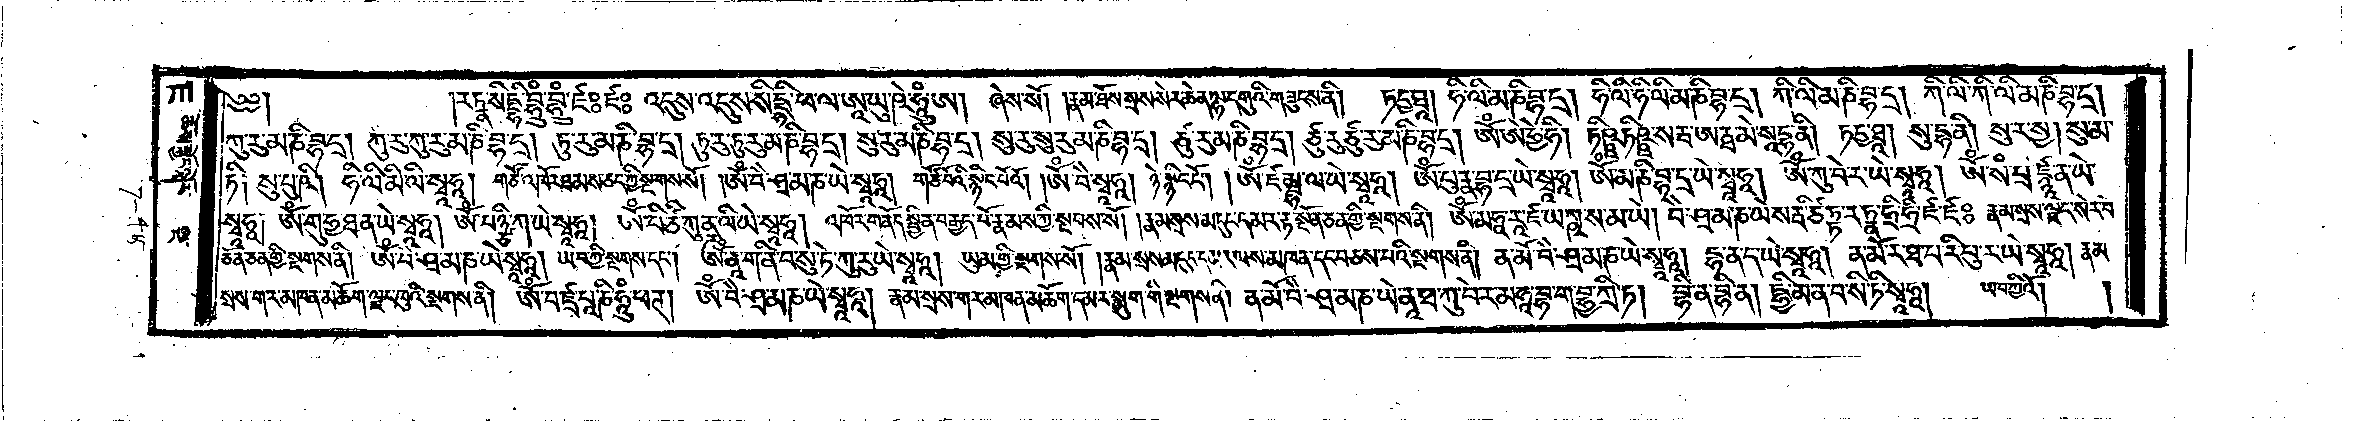༄༅། །རཏྣ་སིདྡྷི་བྷྲུཾ་བྷྲུཾ་ཛཿཛཿ འདུས་འདུས་སིདྡྷི་ཕ་ལ་ཨཱ་ཡུ་ཥེ་ཧཱུཾ་ཨ། ཞེས་སོ། །རྣམ་ཐོས་སྲས་སེར་ཆེན་ལྷ་དགུའི་གཟུངས་ནི།  ཏདྱ་ཐཱ། ཧི་ལི་མཎི་བྷ་དྲ། ཧི་ལི་ཧི་ལི་མ་ཎི་བྷ་དྲ། ཀི་ལི་མཎི་བྷ་དྲ། ཀི་ལི་ཀི་ལི་མཎ་བྷ་དྲ།
ཀུ་རུ་མ་ཎི་བྷ་དྲ། ཀུ་རུ་ཀུ་རུ་མ་ཎི་བྷ་དྲ། ཏུ་རུ་མ་ཎི་བྷ་དྲ། ཏུ་རུ་ཏུ་རུ་མ་ཎི་བྷ་དྲ། སུ་རུ་སུ་རུ་མཎི་བྷ་དྲ། སུ་རུ་སུ་རུ་མཎི་བྷ་དྲ། ཙུ་རུ་མ་ཎི་བྷ་དྲ། ཙུ་རུ་ཙུ་རུ་མ་ཎི་བྷ་དྲ། ཨོཾ་ཨེ་ཧྱེ་ཧི། ཏིཥཊཿཨ་ཏིཥཊཿཨ་སརྦ་ཨརྠ་མེ་སཱདྷ་ནི། ཏདྱ་ཐཱ། སུ་དྷ་ནི། སུར་སྱ། སུ་མ་
ཏི༑ སུ་པུ་ཥི། ཧི་ལི་མི་ལི་སྭཱཧཱ། གཙོ་འཁོར་ཐམས་ཅད་ཀྱི་སྔགས་སོ།  །ཨོཾ་བཻ་ཤྲ་མཎ་ཡེ་སྭཱཧཱ། གཙོ་བོའི་སྙིང་པོའོ། །ཨོཾ་བཻ་སྭཱཧཱ། ཉེ་སྙིང་ངོ།  །ཨོཾ་ཛམྦྷ་ལ་ཡེ་སྭཱཧཱ། ཨོཾ་པུརྣ་བྷ་དྲ་ཡེ་སྭཱཧཱ། ཨོཾ་མ་ཎི་བྷ་དྲ་ཡེ་སྭཱཧཱ། ཨོཾ་ཀུ་བེར་ཡེ་སྭཱཧཱ། ཨོཾ་སཾ་པྲ་ཛྙཱ་ན་ཡེ་
སྭཱཧཱ༑ ཨོཾ་གུ་ཧྱ་ཐ་ན་ཡེ་སྭཱཧཱ། ཨོཾ་པཉྩི་ཀ་ཡེ་སྭཱཧཱ། ཨོཾ་པིཙི་ཀུནྜ་ལི་ཡེ་སྭཱཧཱ། འཁོར་གནོད་སྦྱིན་བརྒྱད་པོ་རྣམས་ཀྱི་སྔགས་སོ། །རྣམ་སྲས་མ་དུང་དམར་རྟ་སྔོན་ཅན་གྱི་སྔགས་ནི། ཨོཾ་མཧཱ་རཱ་ཛ་ཡཀྵ་ས་མ་ཡེ། བཻ་ཤྲ་མཎ་ཡེ་སརྦ་ཙིཏྟ་རཏྣ་ཧྲི་ཧྲི་ཛ་ཛཿ རྣམ་སྲས་ལྗང་སེར་བེ་
ཅོན་ཅན་གྱི་སྔགས་ནི། ཨོཾ་བཻ་ཤྲ་མཎ་ཡེ་སྭཱཧཱ། ཡབ་ཀྱི་སྔགས་དང་།  ཨོཾ་ནཱ་ག་ནི་བ་སུ་ཏེ་ཀུ་རུ་ཡེ་སྭཱཧཱ། ཡུམ་གྱི་སྔགས་སོ། །རྣམ་སྲས་མདུང་དམར་ལས་མཁན་དང་བཅས་པའི་སྔགས་ནི།  ན་མོ་བཻ་ཤྲ་མཎ་ཡེ་སྭཱཧཱ། དྷ་ན་ད་ཡེ་སྭཱཧཱ། ན་མོ་ར་ཐ་པ་རི་བུ་ར་ཡེ་སྭཱཧཱ། རྣམ་
སྲས་གར་མཁན་མཆོག་ལྗང་ཁུའི་སྔགས་ནི། ཨོཾ་བཛྲ་པཱ་ཎི་ཧཱུཾ་ཕཊ། ཨོཾ་བཻ་ཤྲ་མཎ་ཡེ་སྭཱཧཱ། རྣམ་སྲས་གར་མཁན་མཆོག་དམར་སྨུག་གི་སྔགས་ནི།  ན་མོ་བཻ་ཤྲ་མ་ཎ་ཡེ་ནཱ་ཐ་ཀུ་བེར་མཧཱ་བྷ་ག་བྷྱ་ཀྲི་ཏ། བྷ་ན་བྷི་ན། དྷྱི་མན་བ་སི་ཏི་སྭཱཧཱ། ཡང་ཀྱིའོ༑ །